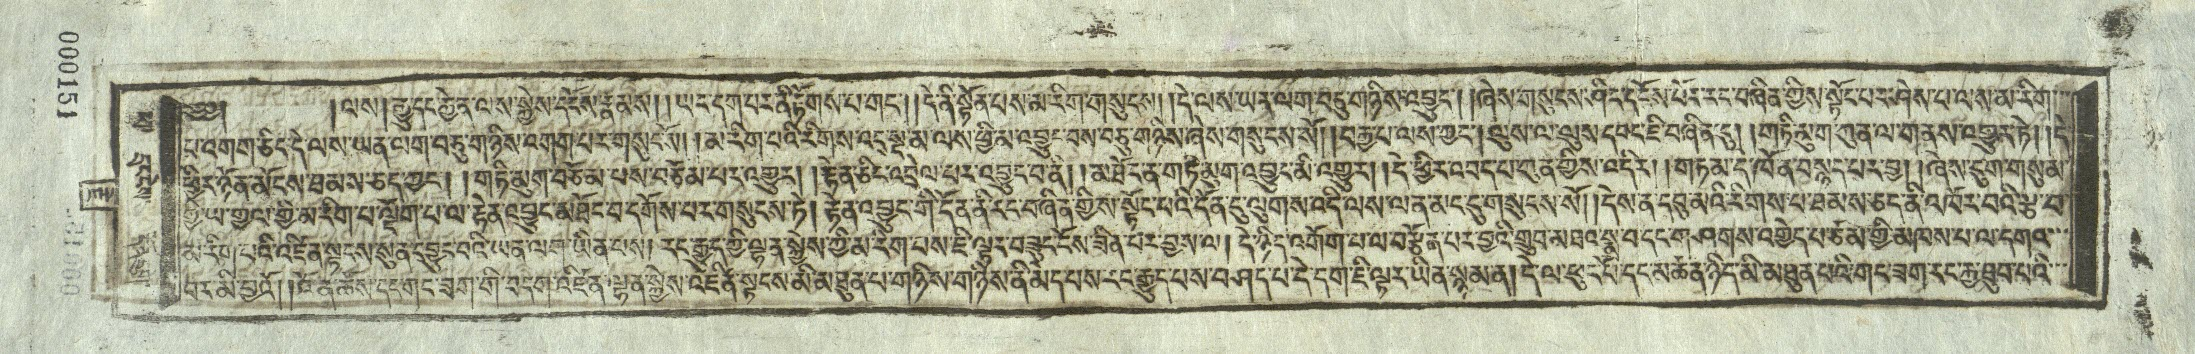༄༅། །ལས། རྒྱུ་དང་རྐྱེན་ལས་སྐྱེས་དངོས་རྣམས། །ཡང་དག་པར་ནི་རྟོགས་པ་གང་། །དེ་ནི་སྟོན་པས་མ་རིག་གསུངས། །དེ་ལས་ཡན་ལག་བཅུ་གཉིས་འབྱུང་། །ཞེས་གསུངས་ཤིང་དངོས་པོར་རང་བཞིན་གྱིས་སྟོང་པར་ཤེས་པ་ལས་མ་རིག་
པ་འགག་ཅིང་དེ་ལས་ཡན་ལག་བཅུ་གཉིས་འགག་པར་གསུངས་སོ། །མ་རིག་པའི་རིགས་འདྲ་སྔ་མ་ལས་ཕྱི་མ་འབྱུང་བས་བཅུ་གཉིས་ཞེས་གསུངས་སོ། །བརྒྱ་པ་ལས་ཀྱང་། ལུས་ལ་ལུས་དབང་ཇི་བཞིན་དུ། །གཏི་མུག་ཀུན་ལ་གནས་འགྱུར་ཏེ། །དེ་
ཕྱིར་ཉོན་མོངས་ཐམས་ཅད་ཀྱང་། །གཏི་མུག་བཅོམ་པས་བཅོམ་པར་འགྱུར། །རྟེན་ཅིང་འབྲེལ་པར་འབྱུང་བ་ནི། །མཐོང་ན་གཏི་མུག་འབྱུང་མི་འགྱུར། །དེ་ཕྱིར་འབད་པ་ཀུན་གྱིས་འདིར། །གཏམ་ད་ཁོ་ན་བསྙད་པར་བྱ། །ཞེས་དུག་གསུམ་
གྱི་ཡ་གྱལ་གྱི་མ་རིག་པ་ལྡོག་པ་ལ་རྟན་འབྱུང་མཐོང་བ་དགོས་པར་གསུངས་ཏེ། རྟེན་འབྱུང་གི་དོན་ནི་རང་བཞིན་གྱིས་སྟོང་པའི་དོན་དུ་ལུགས་འདི་ལས་ལན་མང་དུ་གསུངས་སོ། །དེས་ན་དབུ་མའི་རིགས་པ་ཐམས་ཅད་ནི་འཁོར་བའི་རྩ་བ་
མ་རིག་པའི་འཛིན་སྟངས་སུན་དབྱུང་བའི་ཡན་ལག་ཡིན་པས། རང་རྒྱུད་ཀྱི་ལྷན་སྐྱེས་ཀྱི་མ་རིག་པས་ཇི་ལྟར་བཟུང་ངོས་ཟིན་པར་བྱས་ལ། དེ་ཉིད་འགོག་པ་ལ་བརྩོན་པར་བྱའི་གྲུབ་མཐའ་སྨྲ་བ་དང་གཤགས་འགྱད་པ་ཙམ་གྱི་མཁས་པ་ལ་དགའ་
བར་མི་བྱའོ། །འོ་ན་ཆོས་དང་གང་ཟག་གི་བདག་འཛིན་ལྷན་སྐྱེས་འཛིན་སྟངས་མི་མཐུན་པ་གཉིས་གཉིས་ནི་མེད་པས་རང་རྒྱུད་པས་བཤད་པ་དེ་དག་ཇི་ལྟར་ཡིན་སྙམ་ན། དེ་ལ་ཕུང་པོ་དང་མཚན་ཉིད་མི་མཐུན་པའི་གང་ཟག་རང་རྐྱ་ཐུབ་པའི་